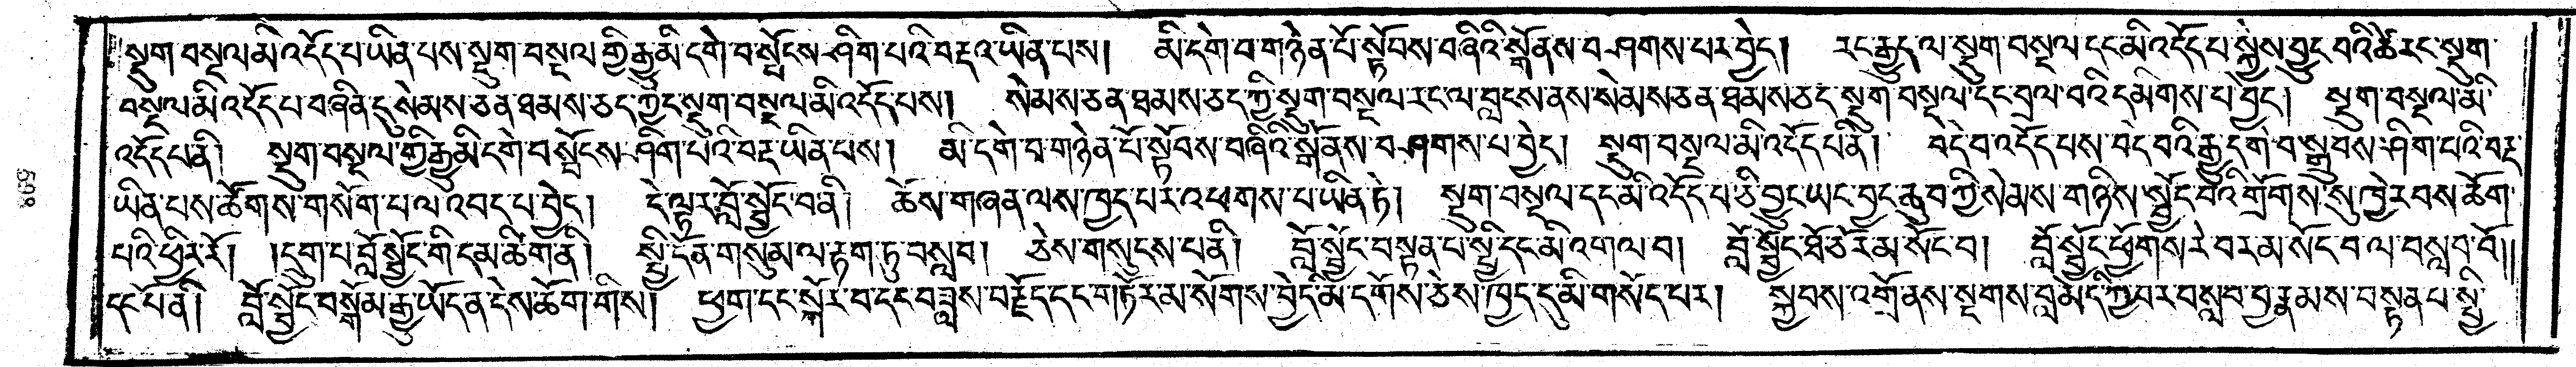སྡུག་བསྔལ་མི་འདོད་པ་ཡིན་པས་སྡུག་བསྔལ་གྱི་རྒྱུ་མི་དགེ་བ་སྤོངས་ཤིག་པའི་བརྡའ་ཡིན་པས། མི་དགེ་བ་གཉེན་པོ་སྟོབས་བཞིའི་སྒོ་ནས་བཤགས་པར་བྱེད། རང་རྒྱུད་ལ་སྡུག་བསྔལ་དང་མི་འདོད་པ་སྐྱེས་བྱུང་བའི་ཚེ་རང་སྡུག་
བསྔལ་མི་འདོད་པ་བཞིན་དུ་སེམས་ཅན་ཐམས་ཅད་ཀྱང་སྡུག་བསྔལ་མི་འདོད་པས། སེམས་ཅན་ཐམས་ཅད་ཀྱི་སྡུག་བསྔལ་རང་ལ་བླངས་ནས་སེམས་ཅན་ཐམས་ཅད་སྡུག་བསྔལ་དང་བྲལ་བའི་དམིགས་པ་བྱེད། སྡུག་བསྔལ་མི་
འདོད་པ་ནི། སྡུག་བསྔལ་གྱི་རྒྱུ་མི་དགེ་བ་སྤོངས་ཤིག་པའི་བརྡ་ཡིན་པས། མི་དགེ་བ་གཉེན་པོ་སྟོབས་བཞིའི་སྒོ་ནས་བཤགས་པ་བྱེད། སྡུག་བསྔལ་མི་འདོད་པ་ནི། བདེ་བ་འདོད་པས་བདེ་བའི་རྒྱུ་དགེ་བ་སྒྲུབས་ཤིག་པའི་བརྡ་
ཡིན་པས་ཚོགས་གསོག་པ་ལ་འབད་པ་བྱེད། དེ་ལྟར་བློ་སྦྱོང་བ་ནི། ཆོས་གཞན་ལས་ཁྱད་པར་འཕགས་པ་ཡིན་ཏེ། སྡུག་བསྔལ་དང་མི་འདོད་པ་ཅི་བྱུང་ཡང་བྱང་ཆུབ་ཀྱི་སེམས་གཉིས་སྦྱོང་བའི་གྲོགས་སུ་ཁྱེར་བས་ཆོག་
པའི་ཕྱིར་རོ། །དྲུག་པ་བློ་སྦྱོང་གི་དམ་ཚིག་ནི། སྤྱི་དོན་གསུམ་ལ་རྟག་ཏུ་བསླབ། ཅེས་གསུངས་པ་ནི། བློ་སྦྱོང་བསྟན་པ་སྤྱི་དང་མི་འགལ་བ། བློ་སྦྱོང་ཐོ་ཅོར་མ་སོང་བ། བློ་སྦྱོང་ཕྱོགས་རེ་བར་མ་སོང་བ་ལ་བསླབ་བོ།།
དང་པོ་ནི། བློ་སྦྱོང་བསྒོམ་རྒྱུ་ཡོད་ན་དེས་ཆོག་གིས། ཕྱག་དང་སྐོར་བ་དང་བཟླས་བརྗོད་དང་གཏོར་མ་སོགས་བྱེད་མི་དགོས་ཅེས་ཁྱད་དུ་མི་གསོད་པར། སྐྱབས་འགྲོ་ནས་སྔགས་བླ་མེད་ཀྱི་བར་བསླབ་བྱ་རྣམས་བསྟན་པ་སྤྱི་